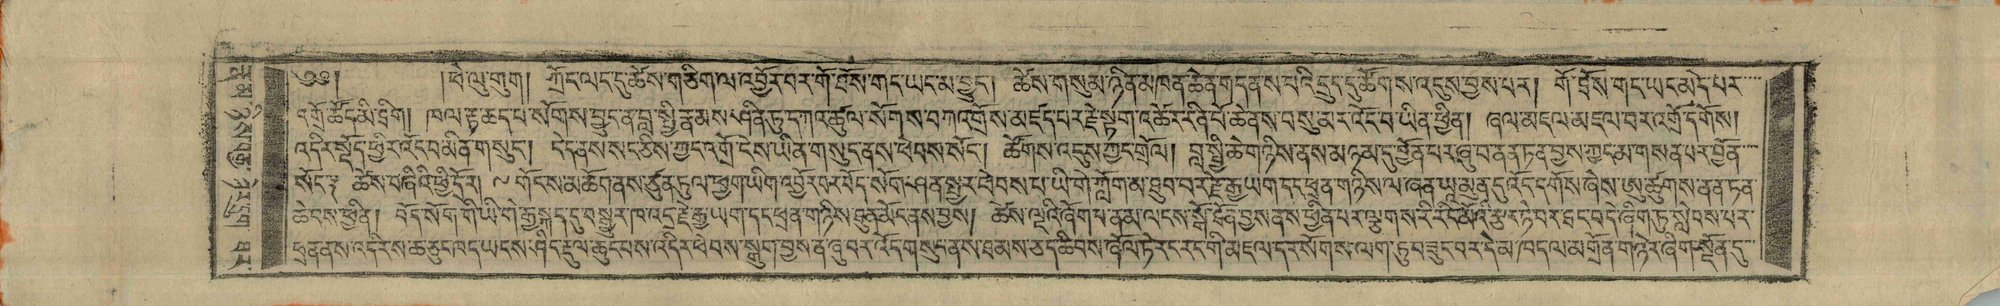༄༅། །ཕེ་ལུ་གུག །ཀྲོང་ལང་དུ་ཚེས་གཅིག་ལ་འབྱོར་བར་གོ་ཐོས་གང་ཡང་མ་བྱུང་། ཚེས་གསུམ་ཉིན་མཁན་ཆེན་གདན་ས་པའི་དྲུང་དུ་ཚོགས་འདུས་བྱས་པར། གོ་ཐོས་གང་ཡང་མེད་པར་
འགྲོ་ཚོད་མི་ཐིག །ཁལ་རྟ་ཆད་པ་སོགས་བྱུང་ན་བླ་སྤྱི་རྣམས་ཤིན་ཏུ་དཀའ་ཚུལ་སོགས་བཀའ་གྲོས་མཛད་པར་རྗེ་སྟག་འཚེར་རིན་པོ་ཆེ་ནས་བསུ་མར་འོང་བ་ཡིན་ཕྱིན། ཞལ་མཇལ་མཇལ་བར་འགྲོ་དགོས།
འདིར་སྡོད་ཕྱིར་འོང་བ་མིན་གསུང་། ངེད་ནས་སང་ཅིས་ཀྱང་འགྲོ་ངེས་ཡིན་གསུང་ནས་ཕེབས་སོང་། ཚོགས་འདུས་ཀྱང་གྲོལ། བླ་སྤྱི་ཆེ་གཉིས་ནས་མཉམ་དུ་བྱོན་པར་ཞུ་བ་ནན་ཏན་བྱས་ཀྱང་མ་གསན་པར་བྱོན་
སོང༑ ཚེས་བཞིའི་ཕྱི་དྲོར། ༧གོང་ས་མཆོག་ནས་ཙུན་ཏུལ་ཕྱག་ཡིག་འབྱོར་བར་བོད་སོག་ཤན་སྦྱར་ཕེབས་པ་ཡི་གེ་ཀློག་མ་ཐུབ་པར་རྗེ་རྒྱ་ཡག་དང་ཕྲན་གཉིས་ལ་ཞན་ཡཱ་མུན་དུ་འོང་དགོས་ཞེས་ཨུ་ཚུགས་ནན་ཏན་
ཆེ་བས་ཕྱིན། བོད་སོག་གི་ཡི་གེ་རྒྱ་སྐད་དུ་བསྒྱུར་ཁ་འདྲ་རྗེ་རྒྱ་ཡག་དང་ཕྲན་གཉིས་ཐུན་མོང་ནས་བྱས། ཚེས་ལྔའི་ཞོག་པ་ནམ་ལངས་སྒོ་ཐོན་བྱས་ནས་ཕྱིན་པར་ལྕགས་རི་རིང་མོའི་རྩར་ཉེ་བར་ཐང་བདེ་ཞིག་ཏུ་སླེབས་པར་
ཕྲན་ནས་འདིར་ས་ཆ་ཅུང་ཁད་ཡངས་ཤིང་རྡུལ་ཆུང་པས་འདིར་ཕེབས་སྒུག་བྱས་ན་ཞུ་བར་འོང་གསུང་ནས་ཐམས་ཅད་ཆིབས་ཞོལ་ཏེ་རང་རང་གི་མཇལ་དར་སོགས་ལག་ཏུ་བཟུང་བར་དེ་མ་ཁད་ལ་མགྲོན་གཉེར་ཞིག་སྔོན་དུ་